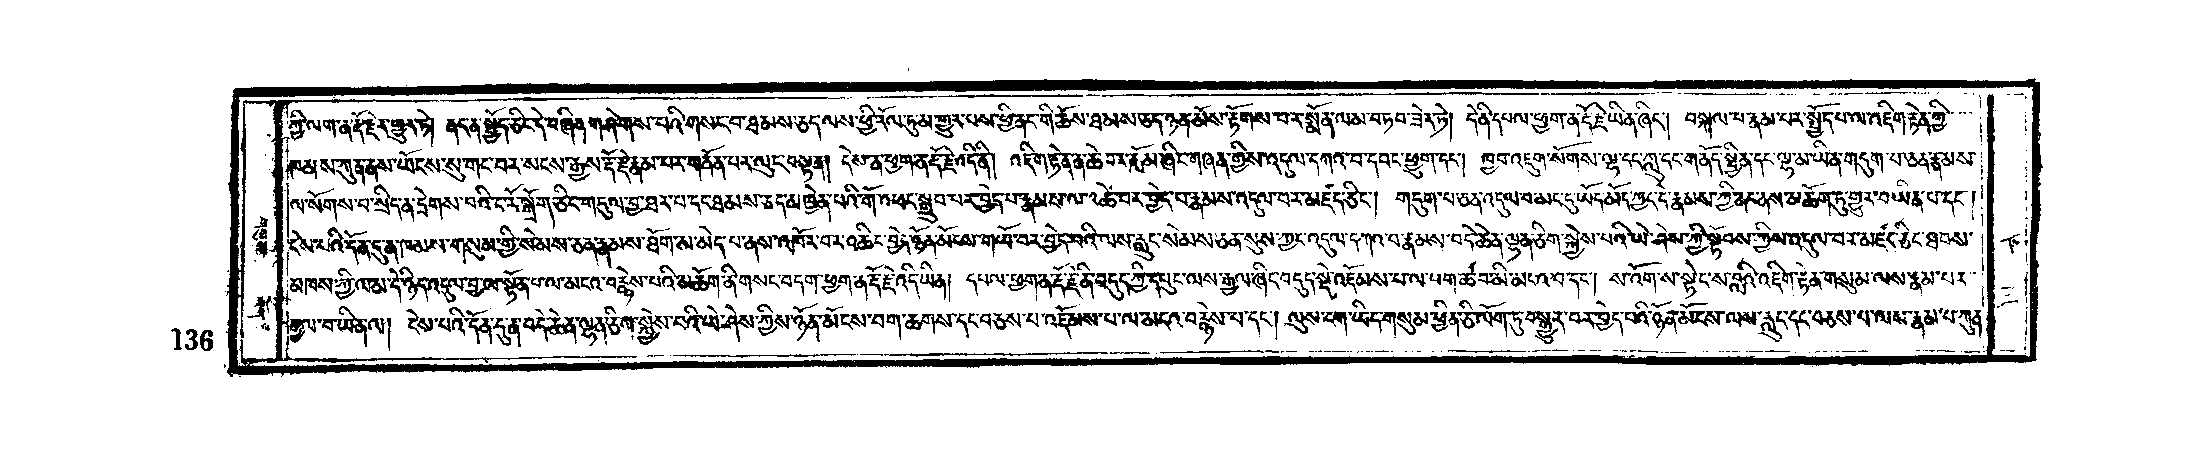ཀྱི་ལག་ན་རྡོ་རྗེར་གྱུར་ཏེ། ནང་ན་སྤྱོད་ཅིང་དེ་བཞིན་གཤེགས་པའི་གསང་བ་ཐམས་ཅད་ལས་ཕྱི་རོལ་དུ་མ་གྱུར་པས་ཕྱི་ནང་གི་ཆོས་ཐམས་ཅད་ཉན་མོས་རྟོགས་པར་སྨོན་ལམ་བཏབ་ཟེར་ཏེ། དེ་ནི་དཔལ་ཕྱག་ན་རྡོ་རྗེ་ཡིན་ཞིང་། བསྐལ་པ་རྣམ་པར་སྤྱོད་པ་ལ་འཇིག་རྟེན་གྱི་
ཁམས་ཀུན་ནས་ཡོངས་སུ་གང་བར་སངས་རྒྱས་རྡོ་རྗེ་རྣམ་པར་གནོན་པར་ལུང་བསྟན། དེས་ན་ཕྱག་ན་རྡོ་རྗེ་འདི་ནི། འཇིག་རྟེན་ན་ཆེ་བར་རློམ་ཞིང་གཞན་གྱིས་འདུལ་དཀའ་བ་དབང་ཕྱུག་དང་། ཁྱབ་འཇུག་སོགས་ལྷ་དང་ཀླུ་དང་གནོད་སྦྱིན་དང་ལྷ་མ་ཡིན་གདུག་པ་ཅན་རྣམས་
ལ་སོགས་པ་སྲིད་ན་དྲེགས་པའི་ང་རོ་སྒྲོག་ཅིང་གདུལ་བྱ་ཐར་པ་དང་ཐམས་ཅད་མཁྱེན་པའི་གོ་འཕང་སྒྲུབ་པར་བྱེད་པ་རྣམས་ལ་འཚེ་བར་བྱེད་པ་རྣམས་འདུལ་བར་མཛད་ཅིང་། གདུག་པ་ཅན་འདུལ་བ་མང་དུ་ཡོད་མོད་ཀྱང་དེ་རྣམས་ཀྱི་ནང་ནས་མཆོག་ཏུ་གྱུར་བ་ཡིན་པ་དང་།
ངེས་པའི་དོན་དུ་ན་ཁམས་གསུམ་གྱི་སེམས་ཅན་རྣམས་ཐོག་མ་མེད་པ་ནས་འཁོར་བར་འཆིང་བྱེད་ཉོན་མོངས་གཡོ་བར་བྱེད་པའི་ལས་རླུང་སེམས་ཅན་སུས་ཀྱང་འདུལ་དཀའ་བ་རྣམས་བདེ་ཆེན་ལྷན་ཅིག་སྐྱེས་པའི་ཡེ་ཤེས་ཀྱི་སྟོབས་ཀྱིས་འདུལ་བར་མཛད་ཅིང་ཐབས་
མཁས་ཀྱི་ལམ་དེ་ཉིད་འདུལ་བྱ་ལ་སྟོན་པ་ལ་མངའ་བརྙེས་པའི་མཆོག་ནི་གསང་བདག་ཕྱག་ན་རྡོ་རྗེ་འདི་ཡིན། དཔལ་ཕྱག་ན་རྡོ་རྗེ་ནི་བདུད་ཀྱི་དཔུང་ལས་རྒྱལ་ཞིང་བདུད་སྡེ་འཇོམས་པ་ལ་པག་ཚ་བ་མི་མངའ་བ་དང་། ས་འོག་ས་སྟེང་ས་བླའི་འཇིག་རྟེན་གསུམ་ལས་རྣམ་པར་
རྒྱལ་བ་ཡིན་ལ། ངེས་པའི་དོན་དུ་ན་བདེ་ཆེན་ལྷན་ཅིག་སྐྱེས་པའི་ཡེ་ཤེས་ཀྱིས་ཉོན་མོངས་བག་ཆགས་དང་བཅས་པ་འཇོམས་པ་ལ་མངའ་བརྙེས་པ་དང་། ལུས་ངག་ཡིད་གསུམ་ཕྱིན་ཅི་ལོག་ཏུ་བསྒྱུར་བར་བྱེད་བའི་ཉོན་མོངས་ལས་རླུང་དང་བཅས་པ་ལས་རྣམ་པ་ཀུན་